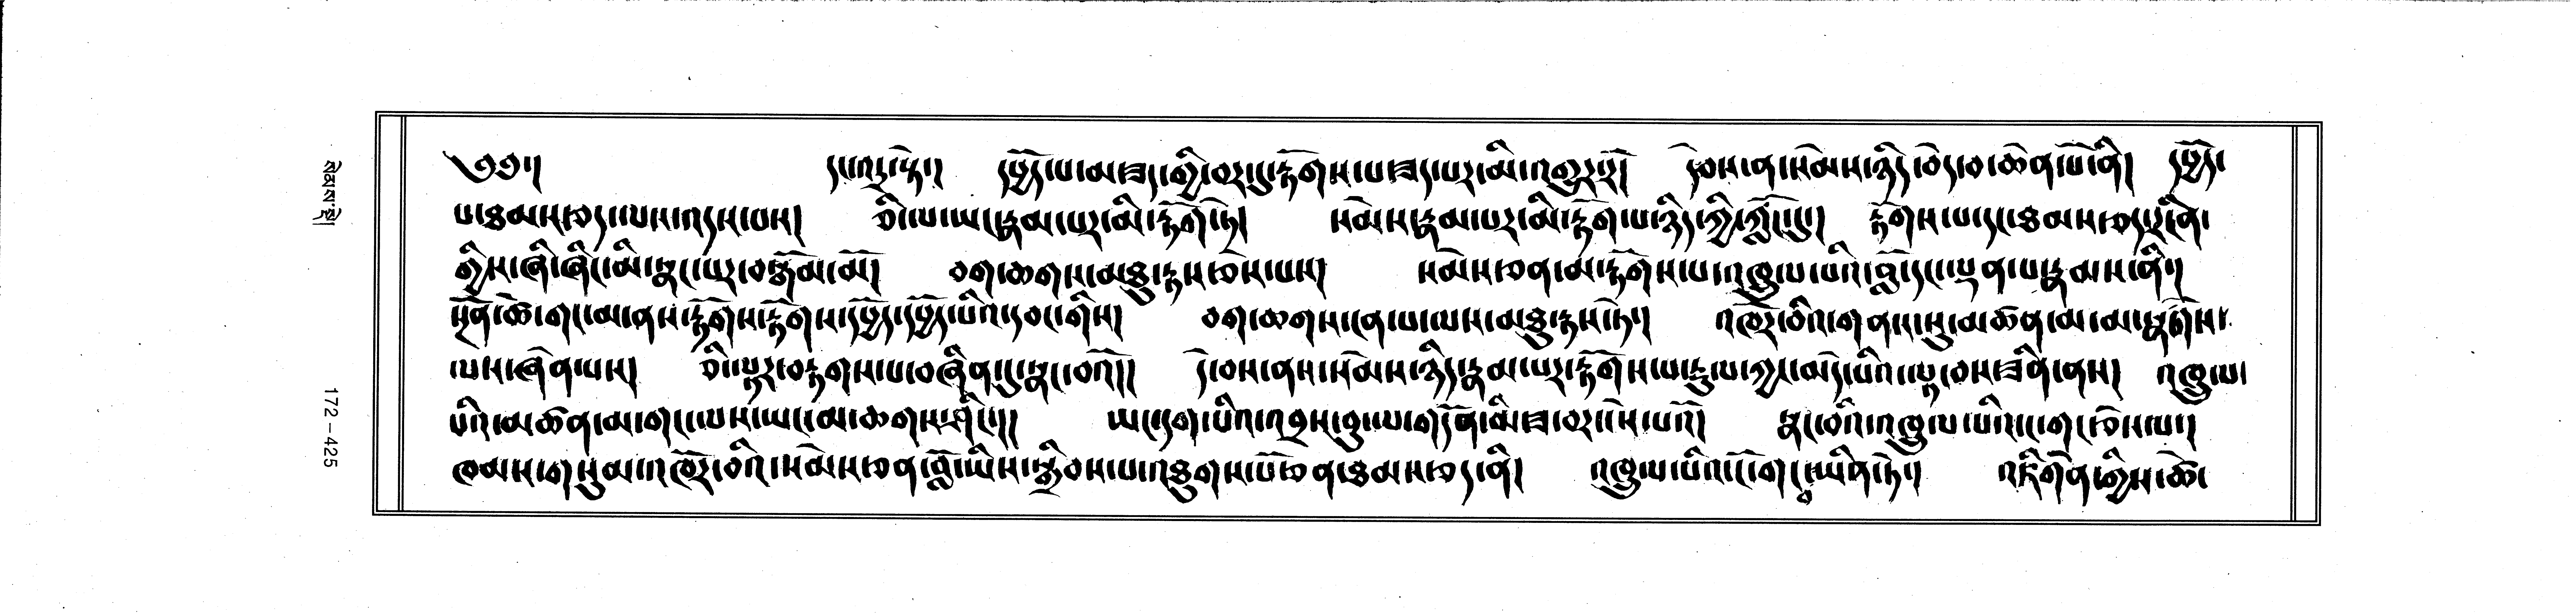དང་འདྲ་སྟེ། དཔྱོད་པ་མ་ཟད་གྱི་བར་དུ་རྟོགས་པ་ཟད་པར་མི་འགྱུར་རོ། དེ་བས་ན་སེམས་ཉིད་བདེ་བ་ཆེན་པོ་ནི། དཔྱོད་
པ་ཐམས་ཅད་ལས་འདས་པས། ཅི་ལ་ཡང་རྣམ་པར་མི་རྟོགས་ཏེ། སེམས་རྣམ་པར་མི་རྟོགས་པ་སེམས་ཉིད་ཀྱི་ཀློང་དུ། རྟོགས་པ་དང་ཐམས་ཅད་རང་བཞིན་
གྱིས་ཞི་ཞིང་མི་སྣང་པར་བསྒོམ་མོ། བག་ཆགས་མཐུ་རྟས་ཅེས་པས། སེམས་ཅན་མ་རྟོགས་པ་འཁྲུལ་པའི་བློ་དང་ལྡན་པ་རྣམས་ནི། 
སྔོན་ཚེ་གོང་མ་ནས་རྟོགས་རྟོགས་དཔྱོད་དཔྱོད་པའི་དབང་གིས། བག་ཆགས་ངན་པ་ལས་མཐུ་རྟས་ཏེ། འཁོར་བའི་གནས་སུ་མཚན་མ་སྣ་ཚོགས་
ལས་ཞེན་པས། ཅི་ལྟར་བརྟགས་པ་བཞིན་དུ་སྣང་བའོ། དེ་བས་ནས་སེམས་ཉིད་རྣམ་པར་རྟོགས་པ་རྡུལ་ཀྱང་མེད་པའི་ལྟ་བས་ཟིན་ནས། འཁྲུལ་
པའི་མཚན་མ་གང་ལས་ཡང་མ་ཆགས་ཤིང་། ཡང་དག་པའི་འབྲས་བུ་ལ་གདོན་མི་ཟ་བར་ངེས་པའོ། སྣང་བའི་འཁྲུལ་པའི་ང་གང་ཅེས་པ།
 ཁམས་གསུམ་འཁོར་བའི་སེམས་ཅན་བློ་ཡིས་སྒྲིབས་པ་འཐུགས་པོ་ཅན་ཐམས་ཅན་ནི། འཁྲུལ་པའི་ངོ་གང་བ་ཡིན་ཏེ། འཇིག་རྟེན་གྱིས་ཚེ་